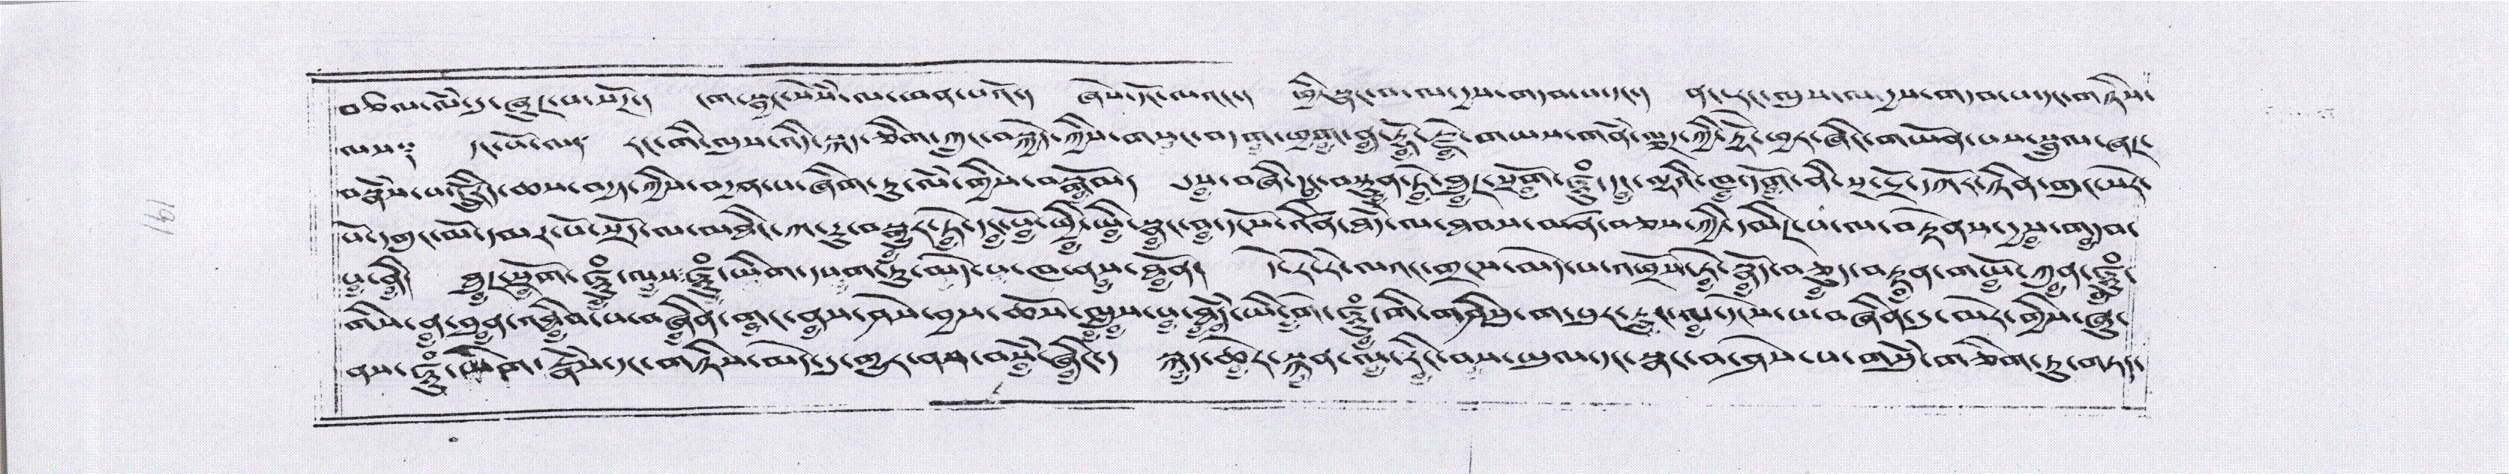བཙལ་ལམ་དུ་ཞུགས་པ་སོགས། ངག་སྦྱང་སེམས་ལ་ཕན་པའོ། ཞེས་དང་པོ་ལའང་ཕྱི་སྣང་བ་ལ་རྒྱས་གདབ་པ་དང་། ནང་རང་ལུས་ལ་རྒྱས་གདབ་པ་དང་གཉིས་ལས། 
དང་པོ་ལ། རང་གི་ལུས་འདི་སྐད་ཅིག་ཀྲོང་བསྐྱེད་གསང་བདག་ཕྱག་ན་རྡོ་རྗེ་གཡས་གནམ་ལྕགས་ཀྱི་རྡོ་རྗེ་ཕྱར་ཞིང་གཡོན་པས་སྦྲུལ་ཞགས་
བསྣམས་པ་དུར་ཁྲོད་ཆས་བརྒྱད་ཀྱིས་བརྒྱན་པ་ཞིག་ཏུ་ལམ་གྱིས་བསྒོམ། དུས་བཞི་དང་བསྟུན་ཏེ་ཐུགས་སྲོག་ཧཱུཾ་དང་ལྷ་ཡི་ཁ དོག་ནི་སྔ་དྲོ་དཀར་པོ། ཉིན་གུང་སེར་
པོ། དགོང་མོ་དམར་པོ། སྲོད་ལ་མཐིང་ཀ་རུ་བསྒྱུར་ཏེ་དང་པོ་ཕྱི་ཡི་སྣང་བ་དངོས་འཛིན་ཐམས་ཅད་ལ་ཐབས་མཚན་བཅས་ཀྱི་དམིགས་པ་ལ་བརྟེན་ནས་རྒྱས་གདབ་
པ་ནི། ཐུགས་སྲོག་ཧཱུཾ་ལས་ཧཱུཾ་ཡིག་དཔག་ཏུ་མེད་པ་ཁ་ནས་ཐོན། དེ་རེ་རེ་ལའང་གྲངས་མེད་པ་འཕྲོས་ཏེ་སྣོད་བཅུད་བརྟན་གཡོ་ཀུན་ཧཱུཾ་
གིས་ན་བུན་འཐིབས་པ་བཞིན་གང་ནས་ཤེས་བྱའི་ཆོས་མ་ལུས་པ་ཐམས་ཅད་ཡི་གེ་ཧཱུཾ་གི་གཤིས་སུ་ག་པུར་རླུང་ལ་དེངས་པ་བཞིན་དུ་མེར་གྱིས་ཞུ་
ནས་ཧཱུཾ་ཡིག་རྣམས་དང་གཉིས་མེད་དུ་གྱུར་པར་བསམ་ཞིང་། སྐད་ཆེར་སྙན་ལ་རིང་བས་ཡུལ་དང་སྣང་བ་ཤེས་པ་གསུམ་གཅིག་ཏུ་གཏད་